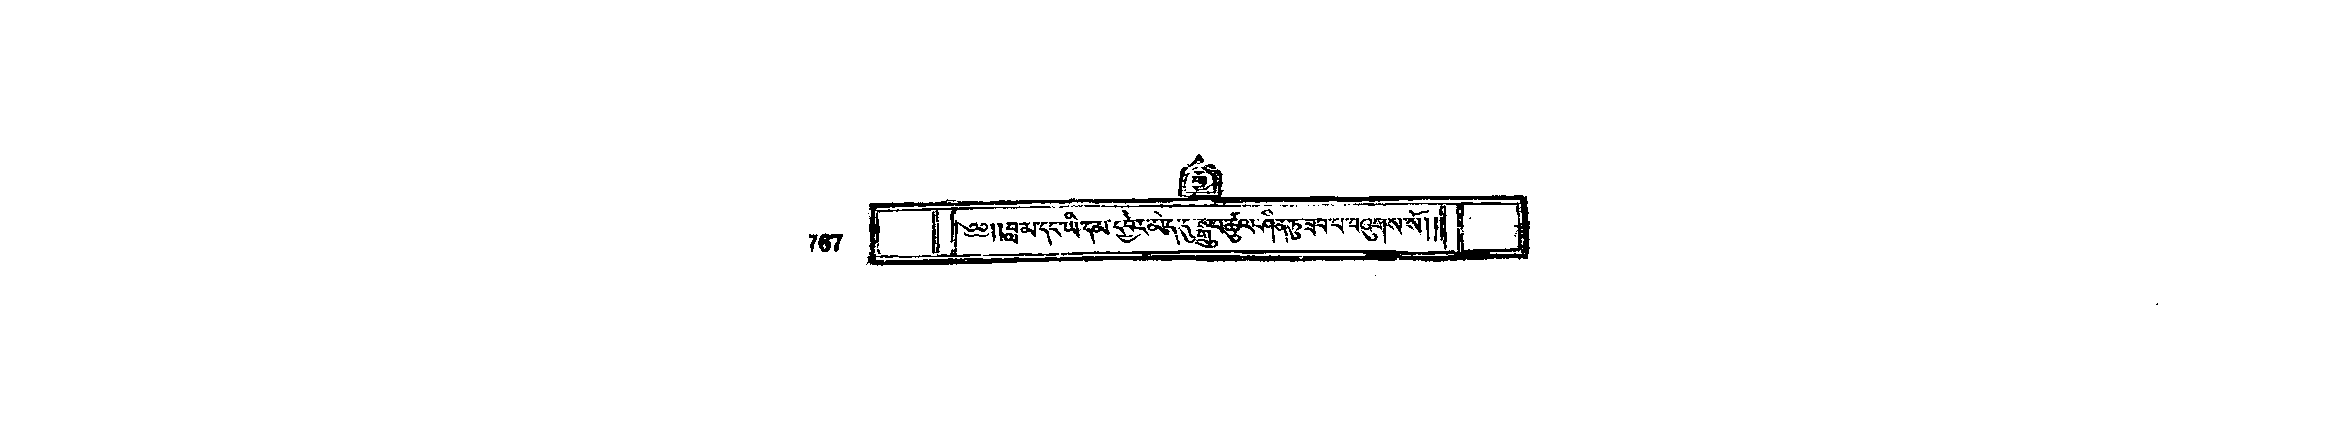༄༅། །བླ་མ་དང་ཡི་དམ་དབྱེར་མེད་དུ་སྒྲུབ་ཚུལ་ཤིན་ཏུ་ཟབ་པ་བཞུགས་སོ། །